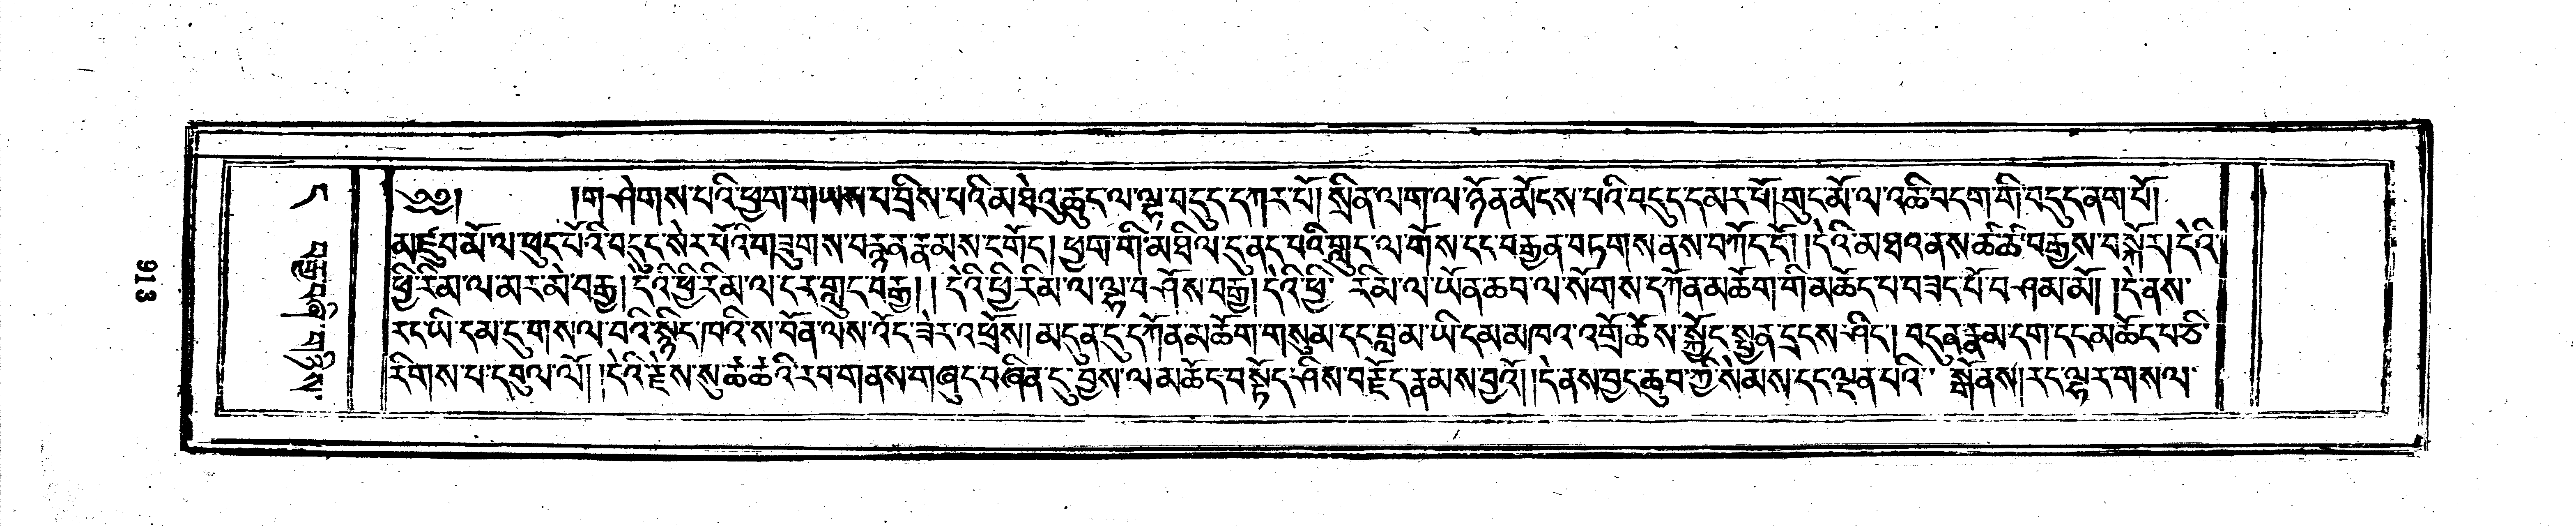༄༅། །གཤེགས་པའི་ཕྱག་གཡས་པ་བྲིས་པའི་མཐེའུ་ཆུང་ལ་ལྷ་བདུད་དཀར་པོ། སྲིན་ལག་ལ་ཉོན་མོངས་པའི་བདུད་དམར་པོ། གུང་མོ་ལ་འཆི་བདག་གི་བདུད་ནག་པོ།
མཛུབ་མོ་ལ་ཕུང་པོའི་བདུད་སེར་པོའི་གཟུགས་བརྙན་རྣམས་དགོད། ཕྱག་གི་མཐིལ་དུ་ནང་པའི་གླུང་ལ་གོས་དང་བརྒྱན་བཏགས་ནས་བཀོད་དོ། །དེའི་མཐའ་ནས་ཚ་ཚ་བརྒྱས་བསྐོར། དེའི་
ཕྱི་རིམ་ལ་མར་མེ་བརྒྱ། དེའི་ཕྱི་རིམ་ལ་ངར་གླུད་བརྒྱ། །དེའི་ཕྱི་རིམ་ལ་ལྷ་བཤོས་བརྒྱ། དེའི་ཕྱི་རིམ་ལ་ཡོན་ཆབ་ལ་སོགས་དཀོན་མཆོག་གི་མཆོད་པ་བཟང་པོ་བཤམ་མོ། །དེ་ནས་
རང་ཡི་དམ་དུ་གསལ་བའི་སྙིང་ཁའི་ས་བོན་ལས་འོད་ཟེར་འཕྲོས། མདུན་དུ་དཀོན་མཆོག་གསུམ་དང་བླ་མ་ཡི་དམ་མཁའ་འགྲོ་ཆོས་སྐྱོང་སྤྱན་དྲངས་ཤིང་། བདུན་རྣམ་དག་དང་མཆོད་པ་ཅི་
རིགས་པ་དབུལ་ལོ། །དེའི་རྗེས་སུ་ཚ་ཚའི་རབ་གནས་གཞུང་བཞིན་དུ་བྱས་ལ་མཆོད་བསྟོད་ཤིས་བརྗོད་རྣམས་བྱའོ། །དེ་ནས་བྱང་ཆུབ་ཀྱི་སེམས་དང་ལྡན་པའི་སྒོ་ནས། རང་ལྷར་གསལ་